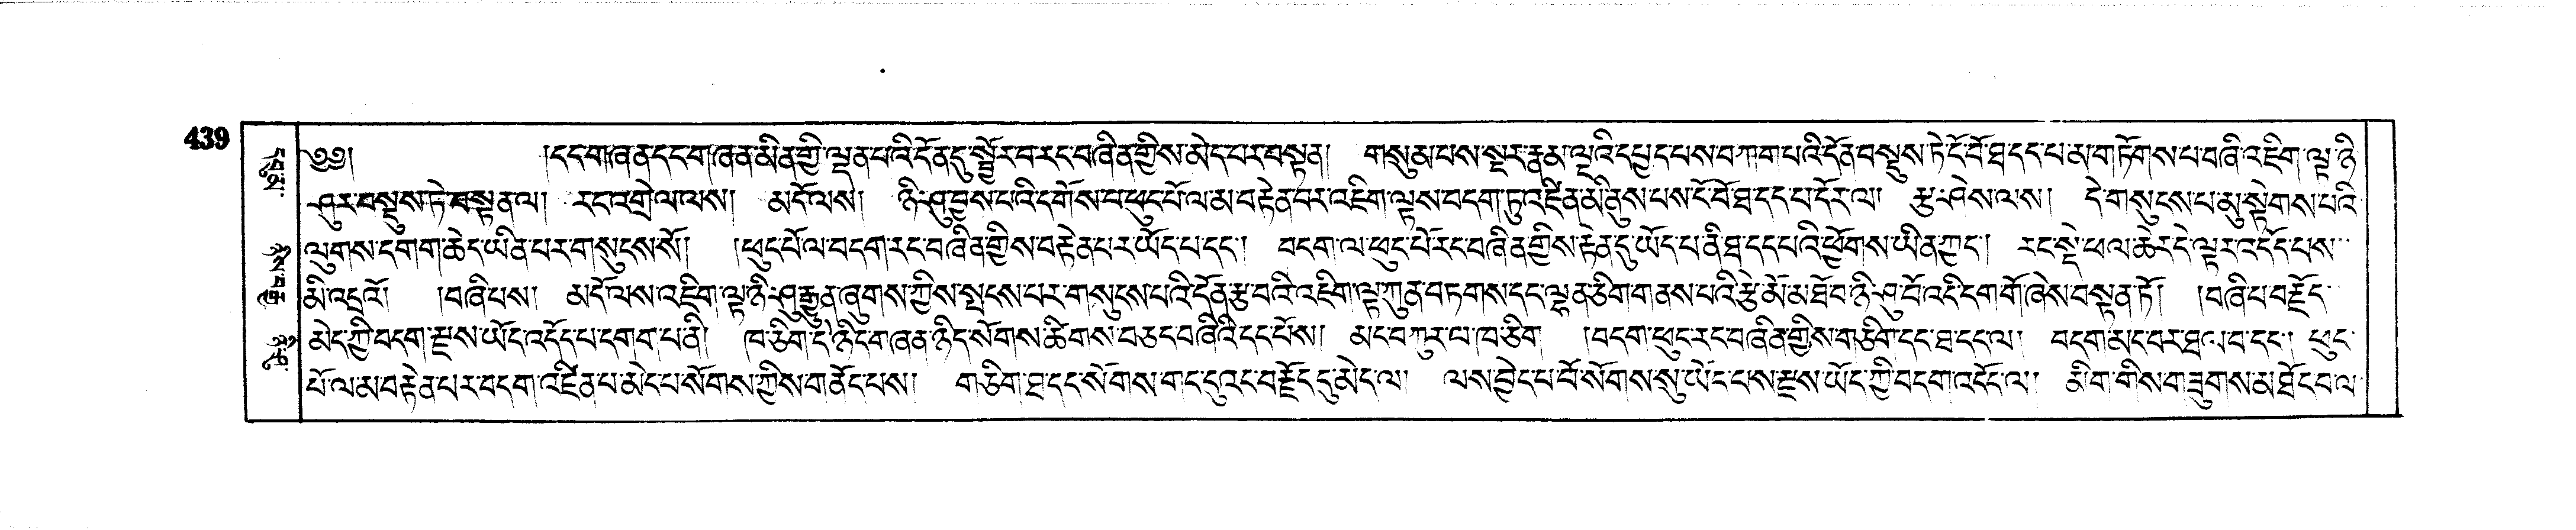༄༅། །དང་གཞན་དང་གཞན་མིན་གྱི་ལྡན་པའི་དོན་དུ་སྦྱོར་བ་རང་བཞིན་གྱིས་མེད་པར་བསྟན། གསུམ་པས་སྔར་རྣམ་ལྔའི་དཔྱད་པས་བཀག་པའི་དོན་བསྡུས་ཏེ་ངོ་བོ་ཐ་དད་པ་མ་གཏོགས་པ་བཞི་འཇིག་ལྟ་ཉི་
ཤུར་བསྡུས་ཏེ་བསྟན་ལ། རང་འགྲེལ་ལས། མདོ་ལས། ཉི་ཤུ་བྱས་པའི་དགོས་པ་ཕུང་པོ་ལ་མ་བརྟེན་པར་འཇིག་ལྟས་བདག་ཏུ་འཛིན་མི་ནུས་པས་ངོ་བོ་ཐ་དད་པ་དོར་ལ། རྩ་ཤེས་ལས། དེ་གསུངས་པ་མུ་སྟེགས་པའི་
ལུགས་དགག་ཆེད་ཡིན་པར་གསུངས་སོ། །ཕུང་པོ་ལ་བདག་རང་བཞིན་གྱིས་བརྟེན་པར་ཡོད་པ་དང་། བདག་ལ་ཕུང་པོ་རང་བཞིན་གྱིས་རྟེན་དུ་ཡོད་པ་ནི་ཐ་དད་པའི་ཕྱོགས་ཡིན་ཀྱང་། རང་སྡེ་ཕལ་ཆེར་དེ་ལྟར་འདོད་པས་
མི་འདྲའོ། །བཞི་པས། མདོ་ལས་འཇིག་ལྟ་ཉི་ཤུ་རྒྱུན་ཞུགས་ཀྱིས་སྤངས་པར་གསུངས་པའི་དོན་རྩ་བའི་འཇིག་ལྟ་ཀུན་བཏགས་དང་ལྷན་ཅིག་གནས་པའི་རྩེ་མོ་མཐོ་བ་ཉི་ཤུ་བོ་འདི་དག་གོ་ཞེས་བསྟན་ཏོ། །བཞི་པ་བརྗོད་
མེད་ཀྱི་བདག་རྫས་ཡོད་འདོད་པ་དགག་པ་ནི། ཁ་ཅིག་དེ་ཉིད་གཞན་ཉིད་སོགས་ཚིགས་བཅད་བཞིའི་དང་པོས། མང་བཀུར་པ་ཁ་ཅིག །བདག་ཕུང་རང་བཞིན་གྱིས་གཅིག་དང་ཐ་དད་ལ། བདག་མང་བར་ཐལ་བ་དང་། ཕུང་
པོ་ལ་མ་བརྟེན་པར་བདག་འཛིན་པ་མེད་པ་སོགས་ཀྱིས་གནོད་པས། གཅིག་ཐ་དད་སོགས་གང་དུའང་བརྗོད་དུ་མེད་ལ། ལས་བྱེད་པ་པོ་སོགས་སུ་ཡོད་པས་རྫས་ཡོད་ཀྱི་བདག་འདོད་ལ། མིག་གིས་གཟུགས་མཐོང་བ་ལ་